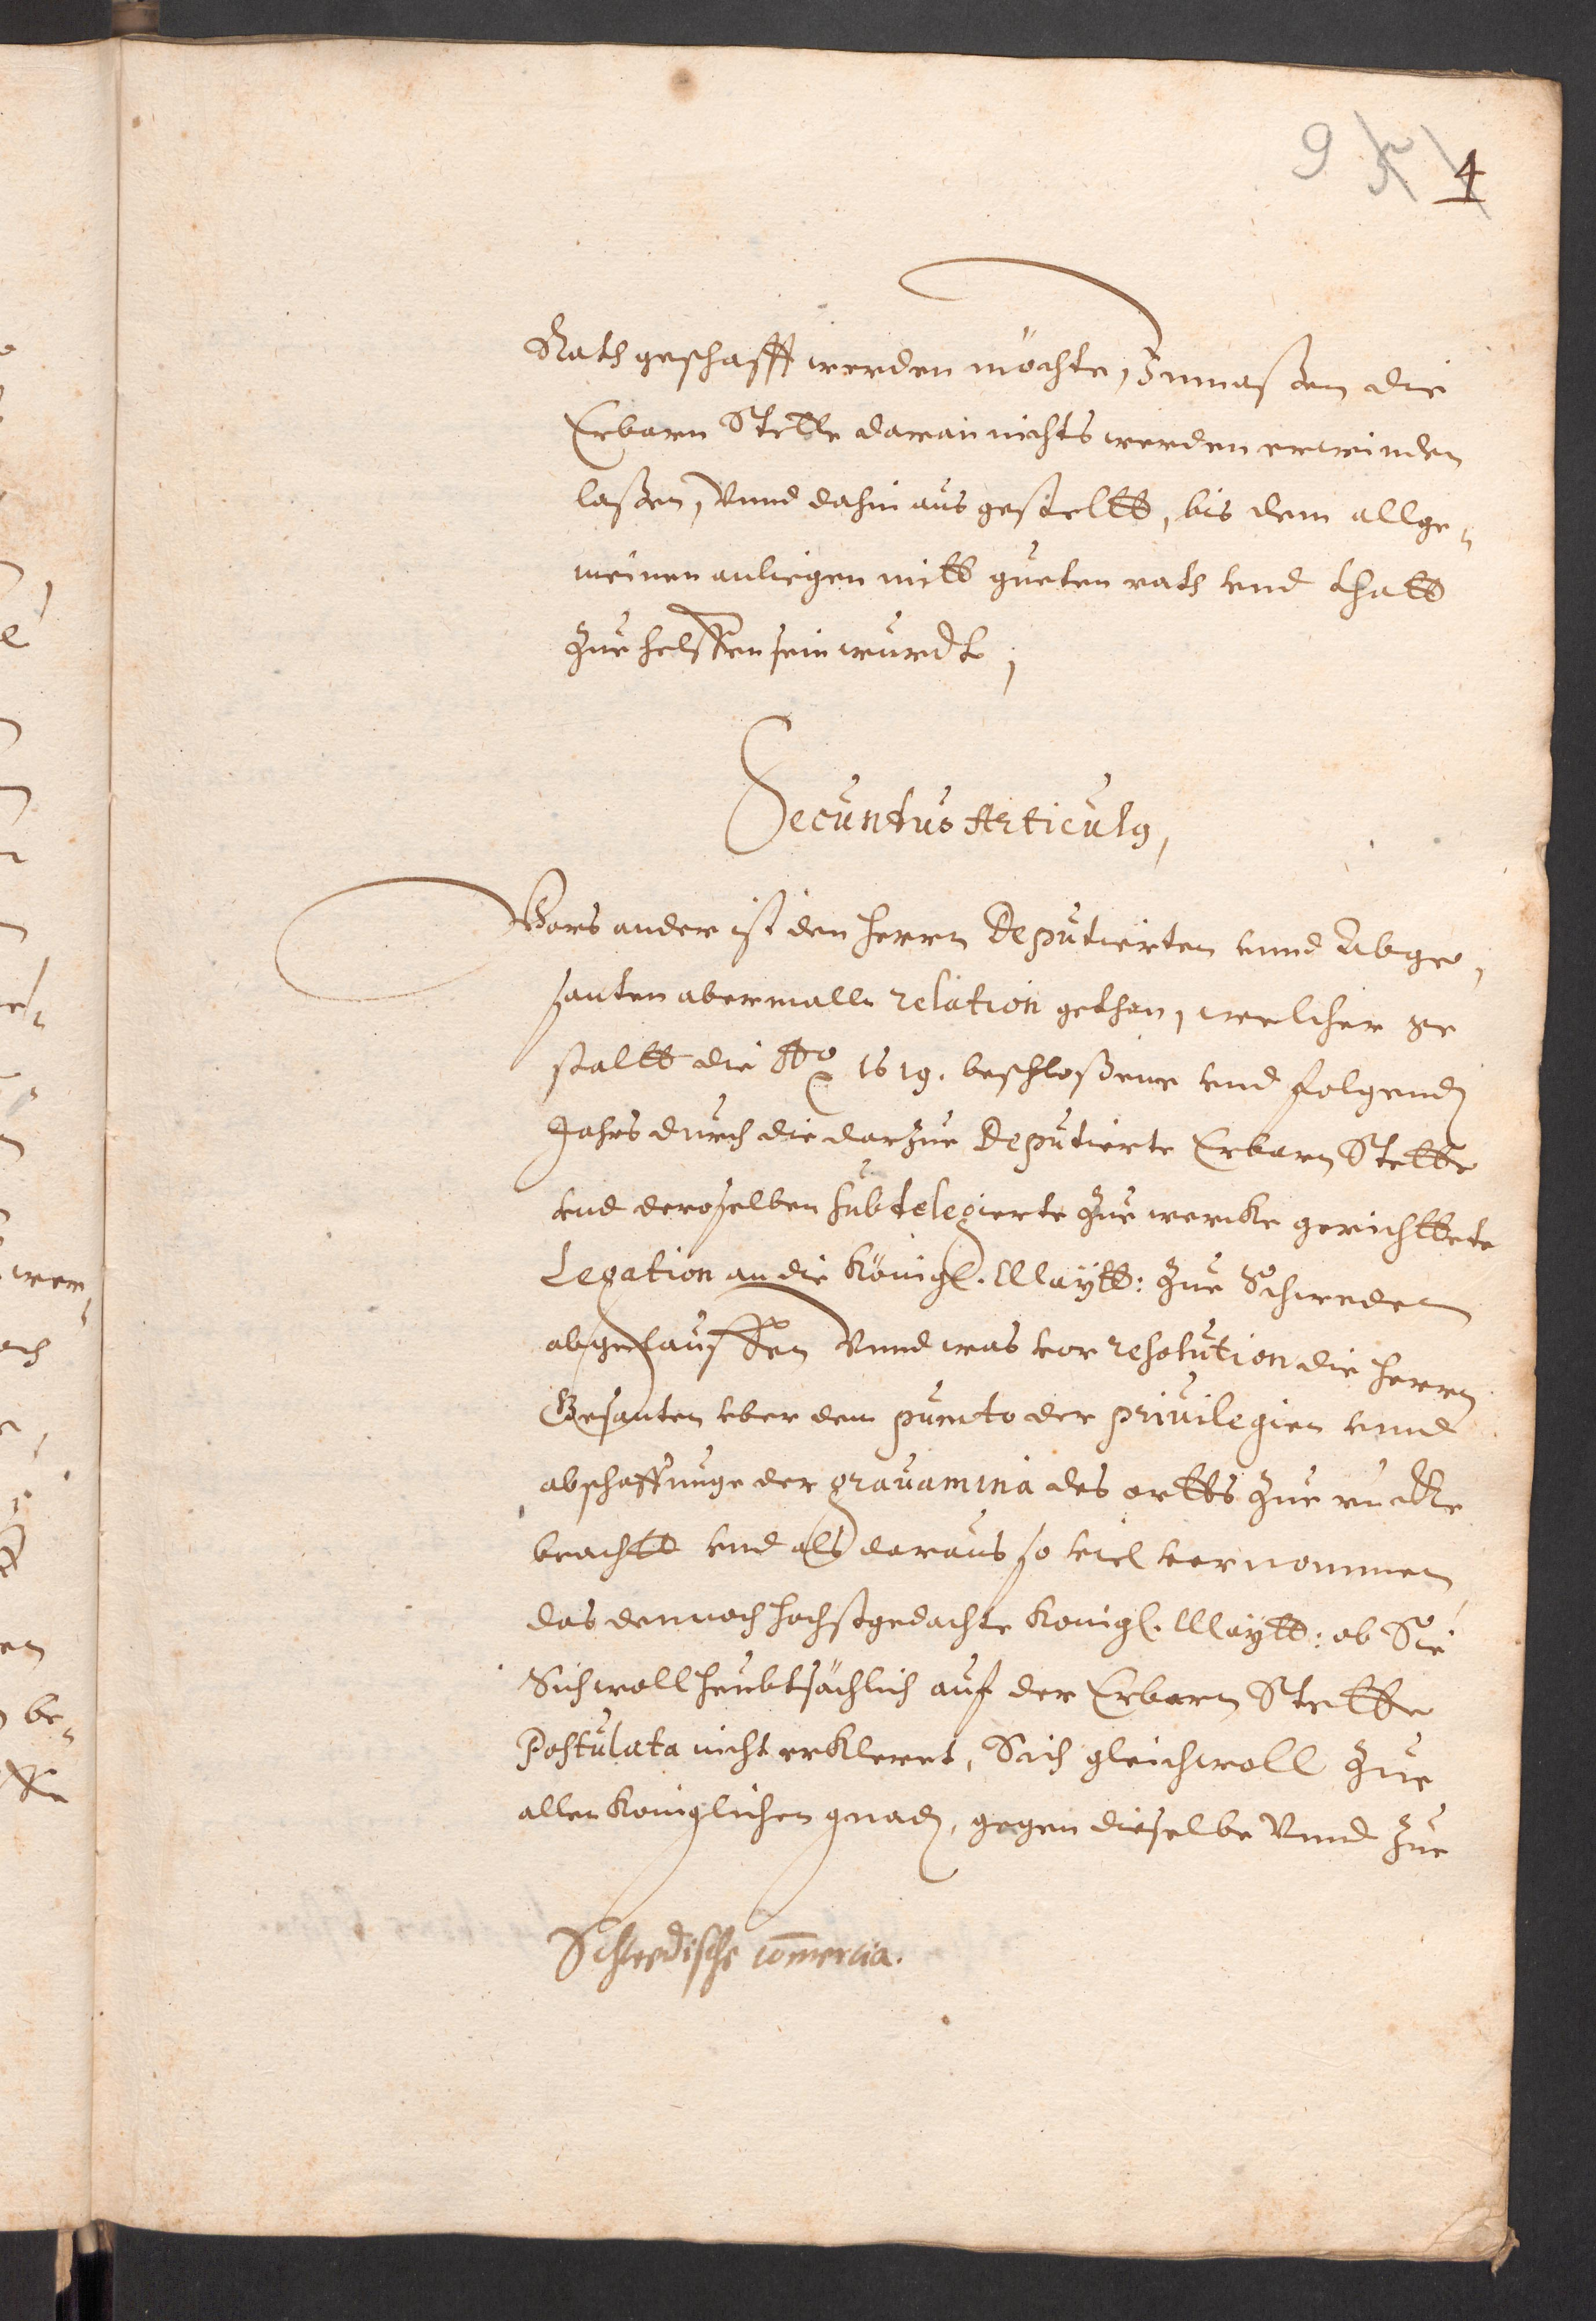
4
Rath geschafft werden möchte, Inmaßen die
Erbarn Stette daran nichts werden erwinden
laßen, vnnd dahin aus gestellt, bis dem allge¬
meinen anliegen mitt gueten rath vnd thatt
zue helffen sein wurdt,
Secundus Articulus,
Vors ander ist den herrn Deputierten vnnd Abge¬
santen abermalln relation gethan, welcher ge
staltt die Anno p 1619. beschloßene vnd folgenden
Jahrs durch die darzue Deputierte Erbarn Stette
vnd deroselben subdelegierte zue wercke gerichttete
Legation an die königl. Maijtt: zue Schweden
abgelauffen Vnnd was vor resolution die herrn
Gesanten vber dem puncto der priuilegien vnnd
abschaffunge der grauamina des ortts zue rucke
brachtt vnd als daraus so viel vernommen
das dennoch hochstgedachte konigl. Maijtt: ob Sie
Sich woll heubtsächlich auf der Erbarn Stette
Postulata nicht erkleret, Sich gleichwoll zue
allen koniglichen gnaden, gegen dieselbe vnnd zue
Schwedische commercia.
